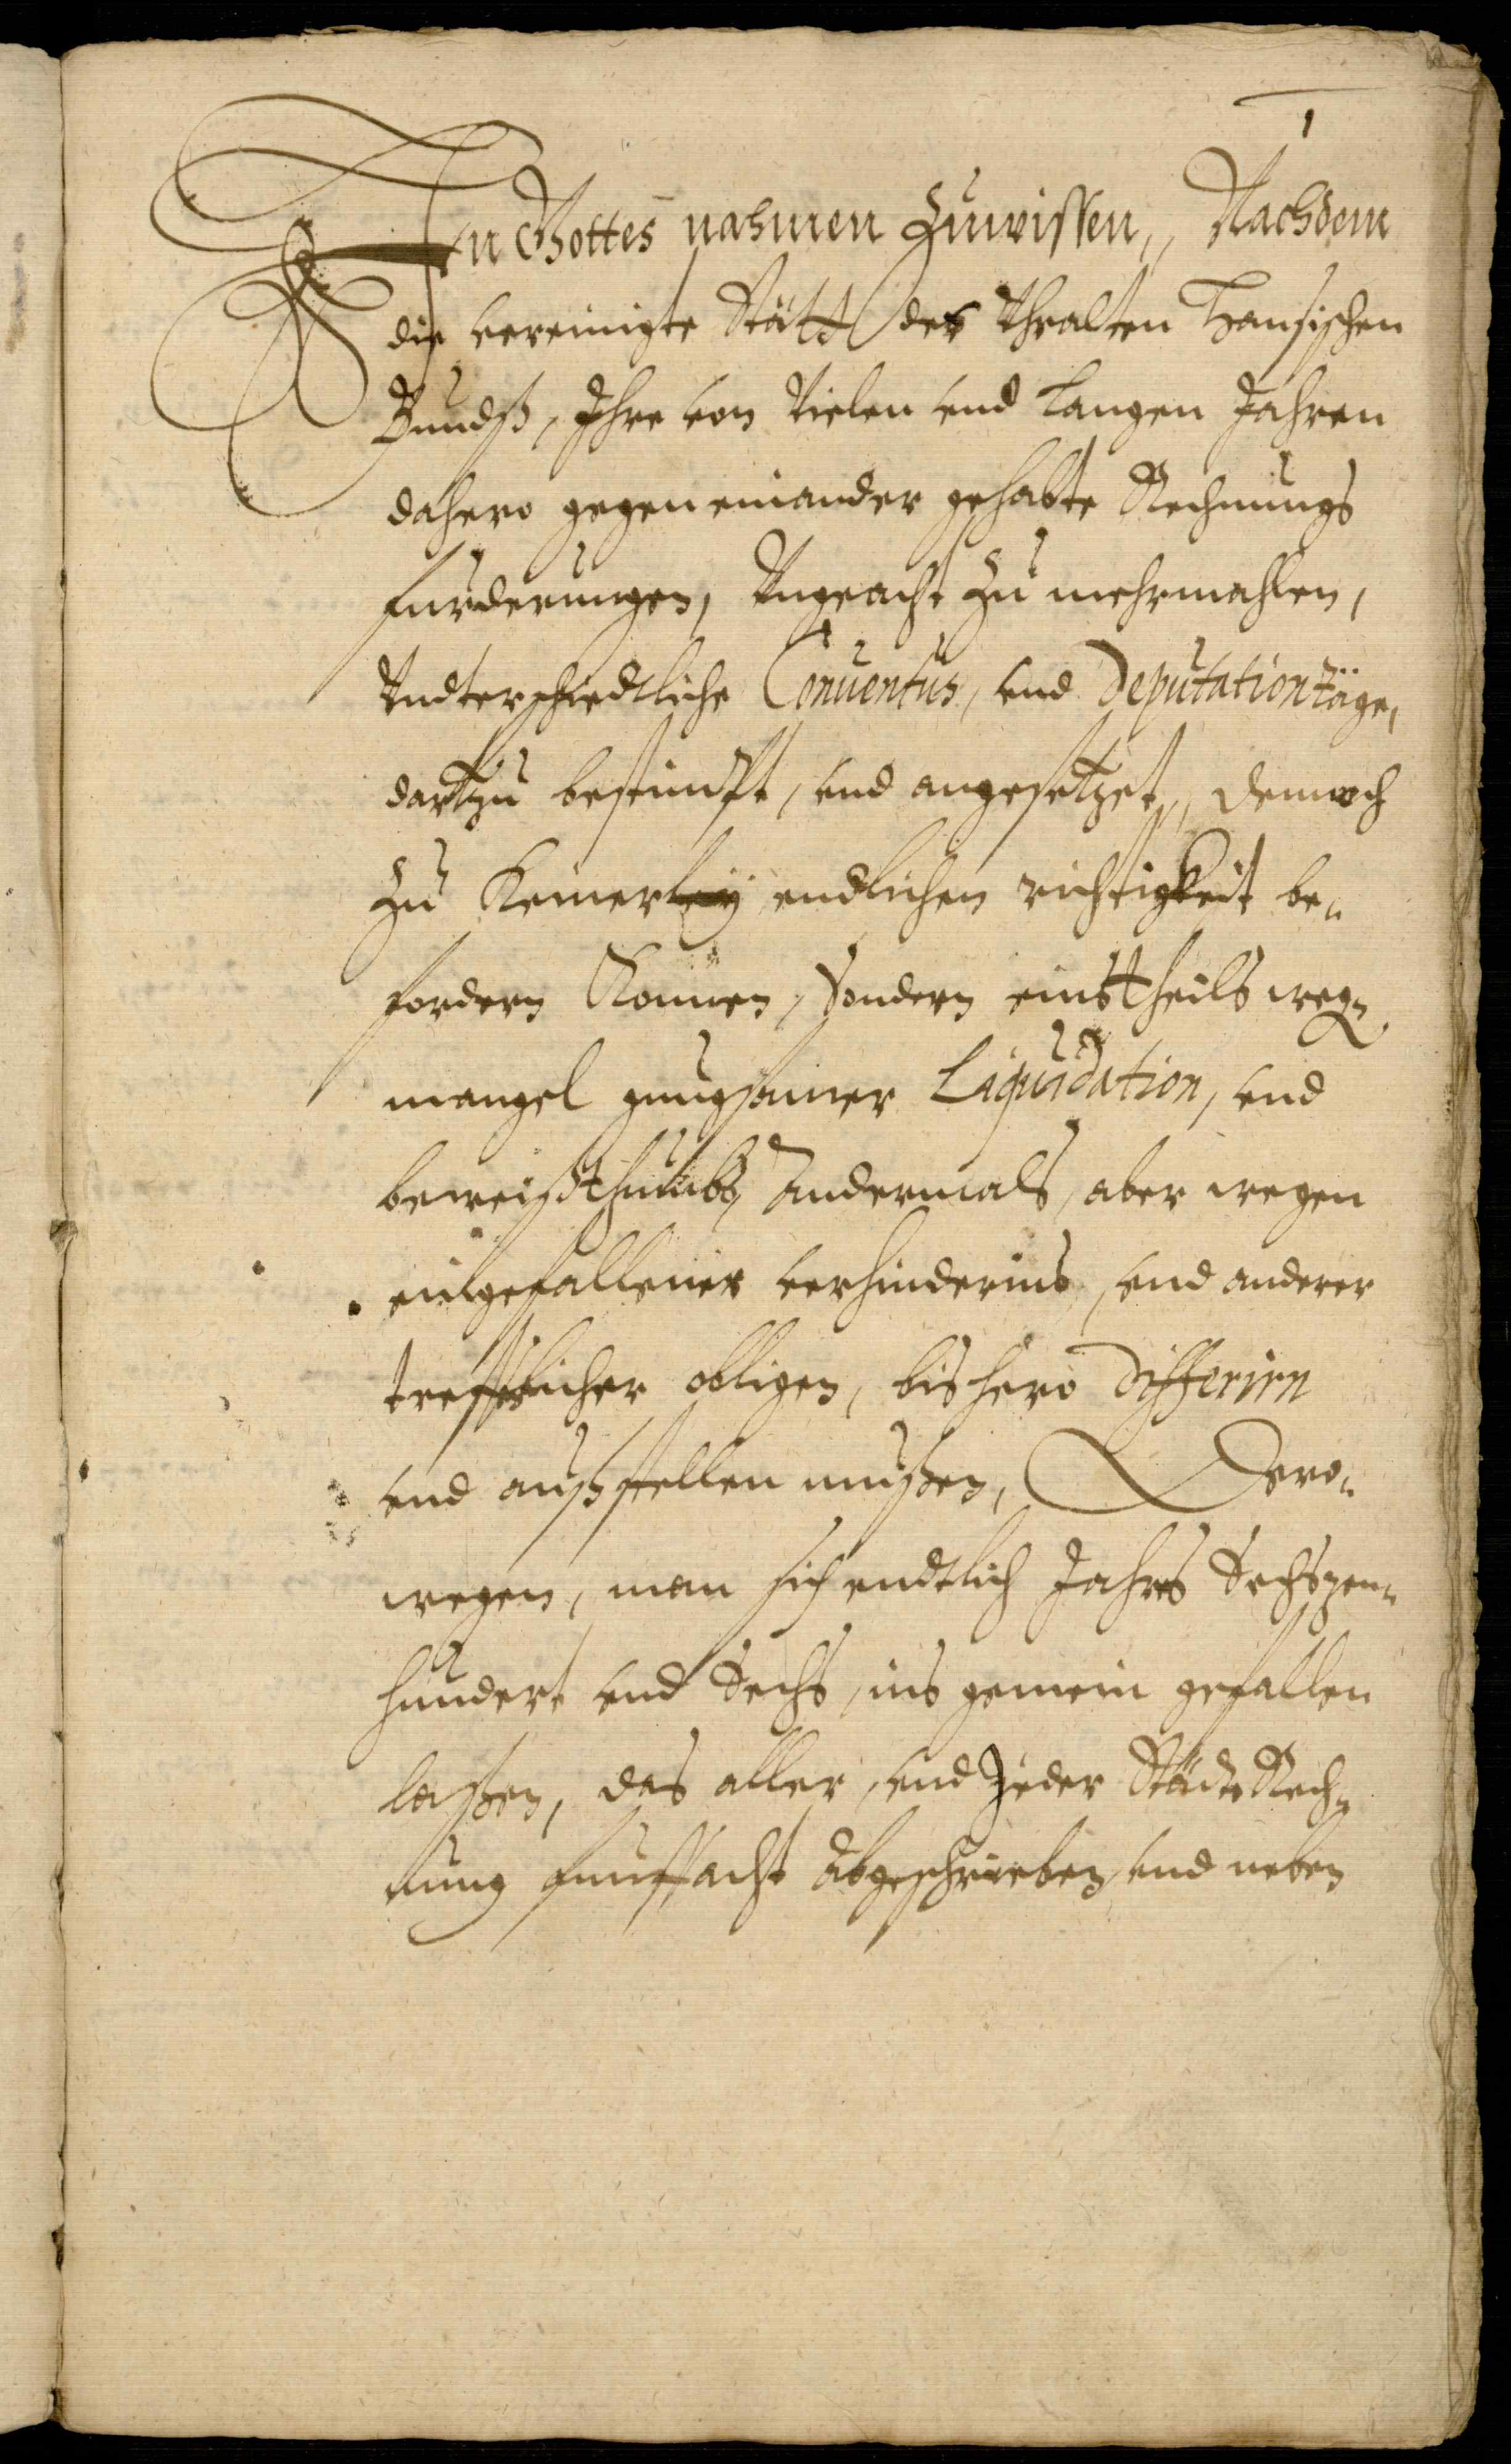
1
In Gottes nahmen zuwissen, Nachdem
die vereinigte Stätt des vhralten Hansischen
Bundes, Ihre vor Vielen vnd Langen Jahren
dahero gegen einander gehabte Rechnungs
furderungen, Vngeacht zu mehrmahlen,
vnterschiedliche Conuentus, vnd Deputationtäge,
dartzu bestimpt, vnd angesetzet, dennoch
zu keinerleij endlichen richtigkeit be¬
fordern Konnen, sondern einstheils wegen
mangel gnugsamer Liquidation, vnd
beweisthumbs, andermals, aber wegen
eingefallener verhindernis und anderer
trefflicher obligen, bishero differirn
und außstellen mußen, Dero¬
wegen, man sich endtlich Jahres Sechzen¬
hundert und sechs, ins gemein gefallen
laßen, das aller, vnd Jeder Städte Rech¬
nung funffacht abgeschrieben, vnd neben
